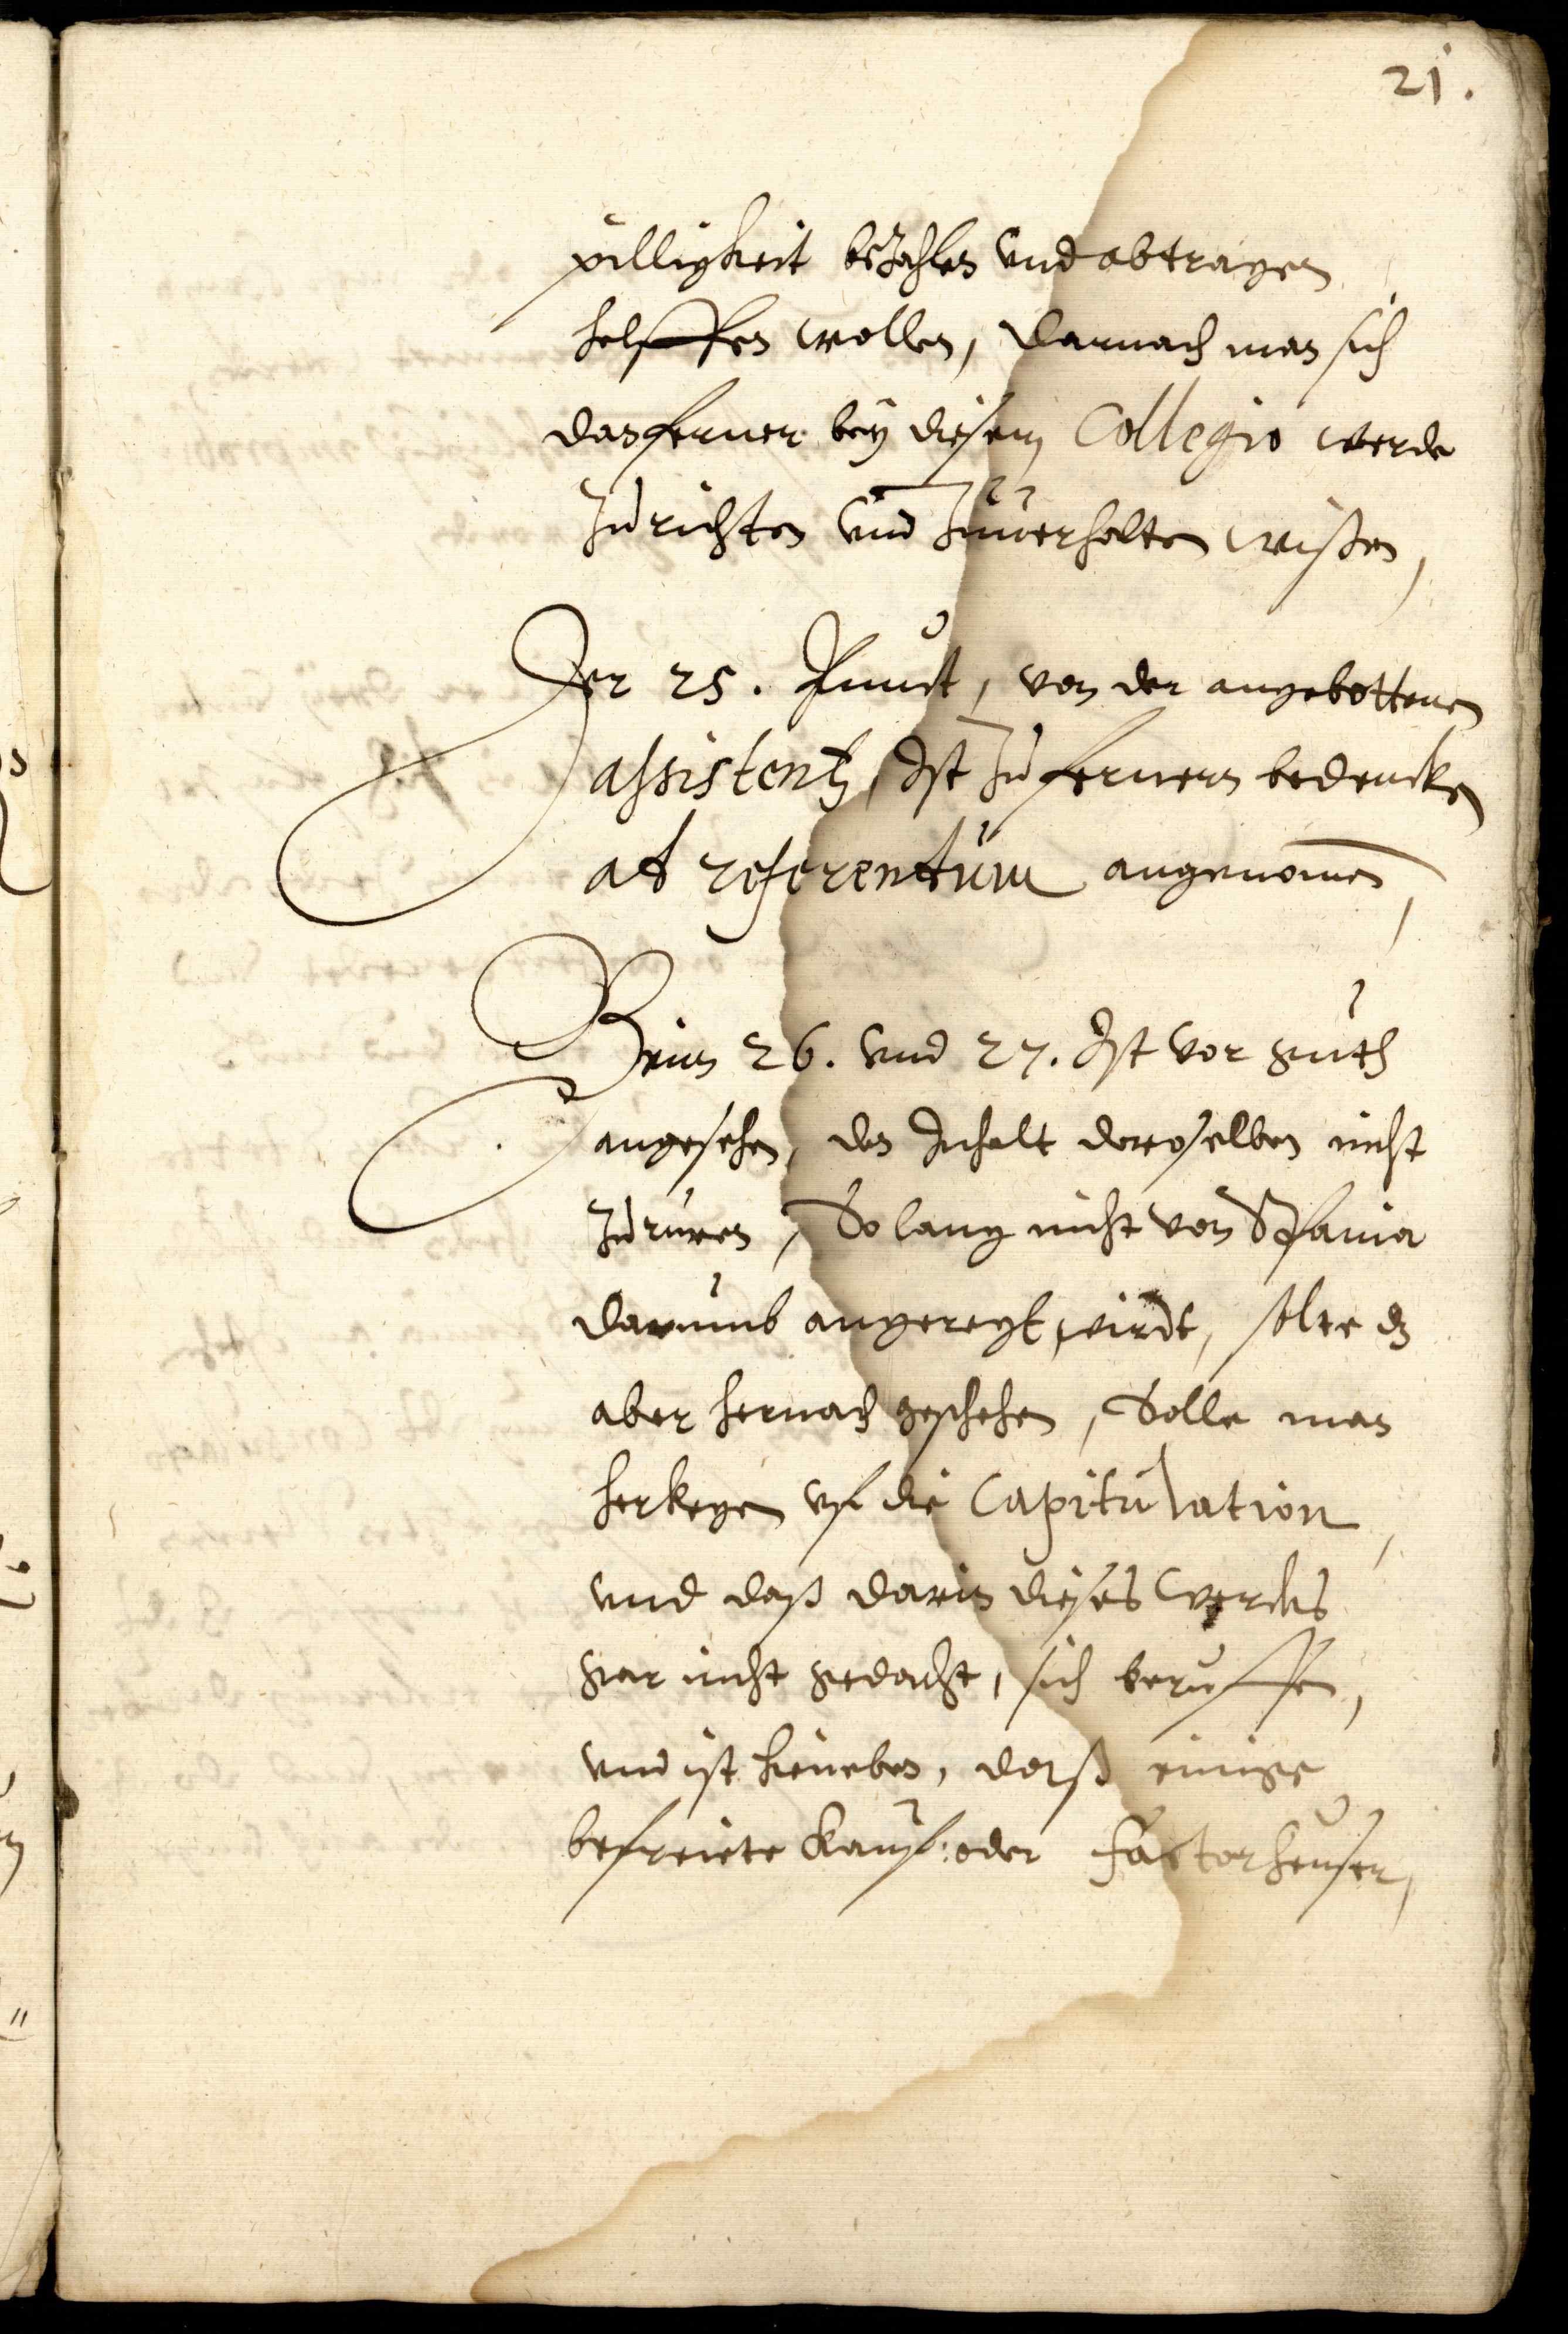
21.
pilligkeit bezahlen vnd abtragen
helffen wollen , darnach man sich
das ferner bey diesem Collegio wenden
zu richten vnd zuvorhalten wißen ,
Der 25. Punct , von der angebottenen
assistentz, ist zu fernern bedencken
at referendum angenommen ,
Beim 26. vnd 27. ist vor guth
angesehen, den Inhalt deroselben nicht
zu ruren, so lang nicht von Spania
darumb angeregt wirdt, solte den
aber hernach geschehen, solle man
herkegen vf die Capitulation ,
vnd daß darin dieses wercks
gar nicht gedacht, sich beruffen ,
vnd ist hineben, daß einige
befreiete Kauf: oder factorheusen ,
